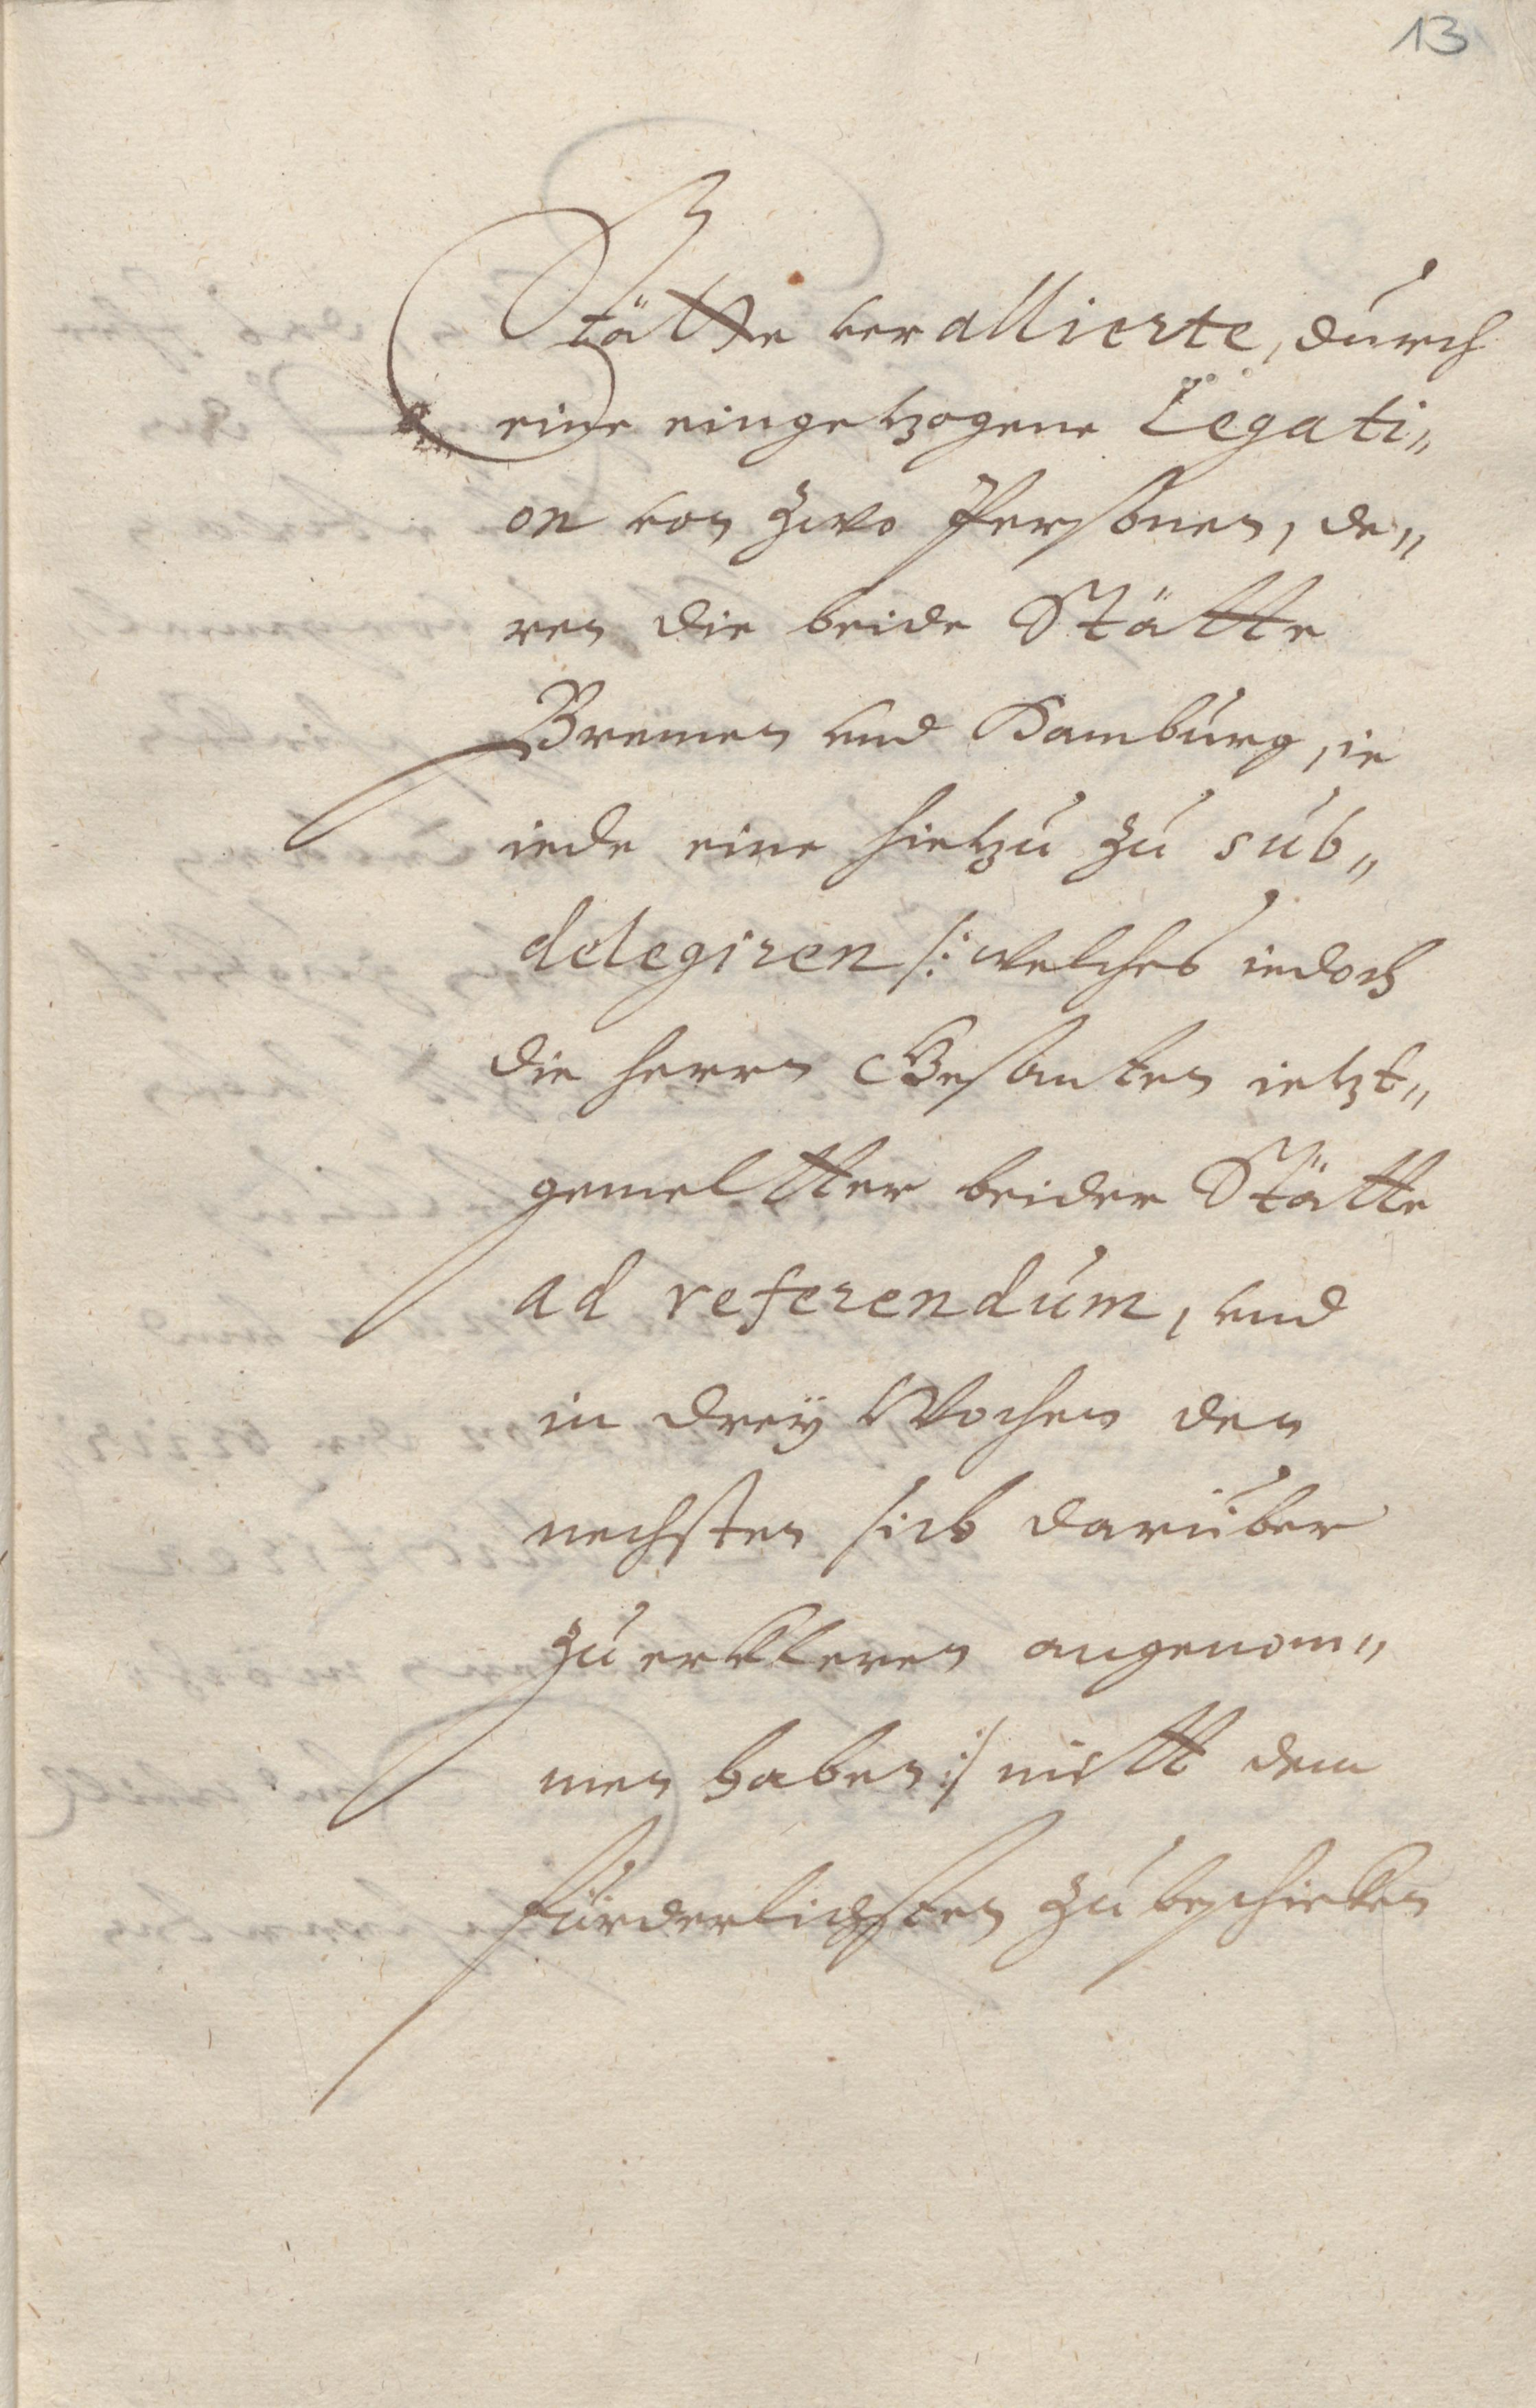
Stätte verallierte, durch
eine eingetzogene Legati¬
on von zwo Personen, de¬
ren die beide Stätte
Bremen vnd Hamburg, ie
iede eine hirtzu zu sub¬
delegiren /: welches iedoch
die herrn Gesanten ietzt¬
gemeltter beider Stätte
ad referendum, vnd
in dreij Wochen den
nechsten sich darüber
zu erkleren angenom¬
men haben :/ mitt dem
fürderlichsten zu beschicken
